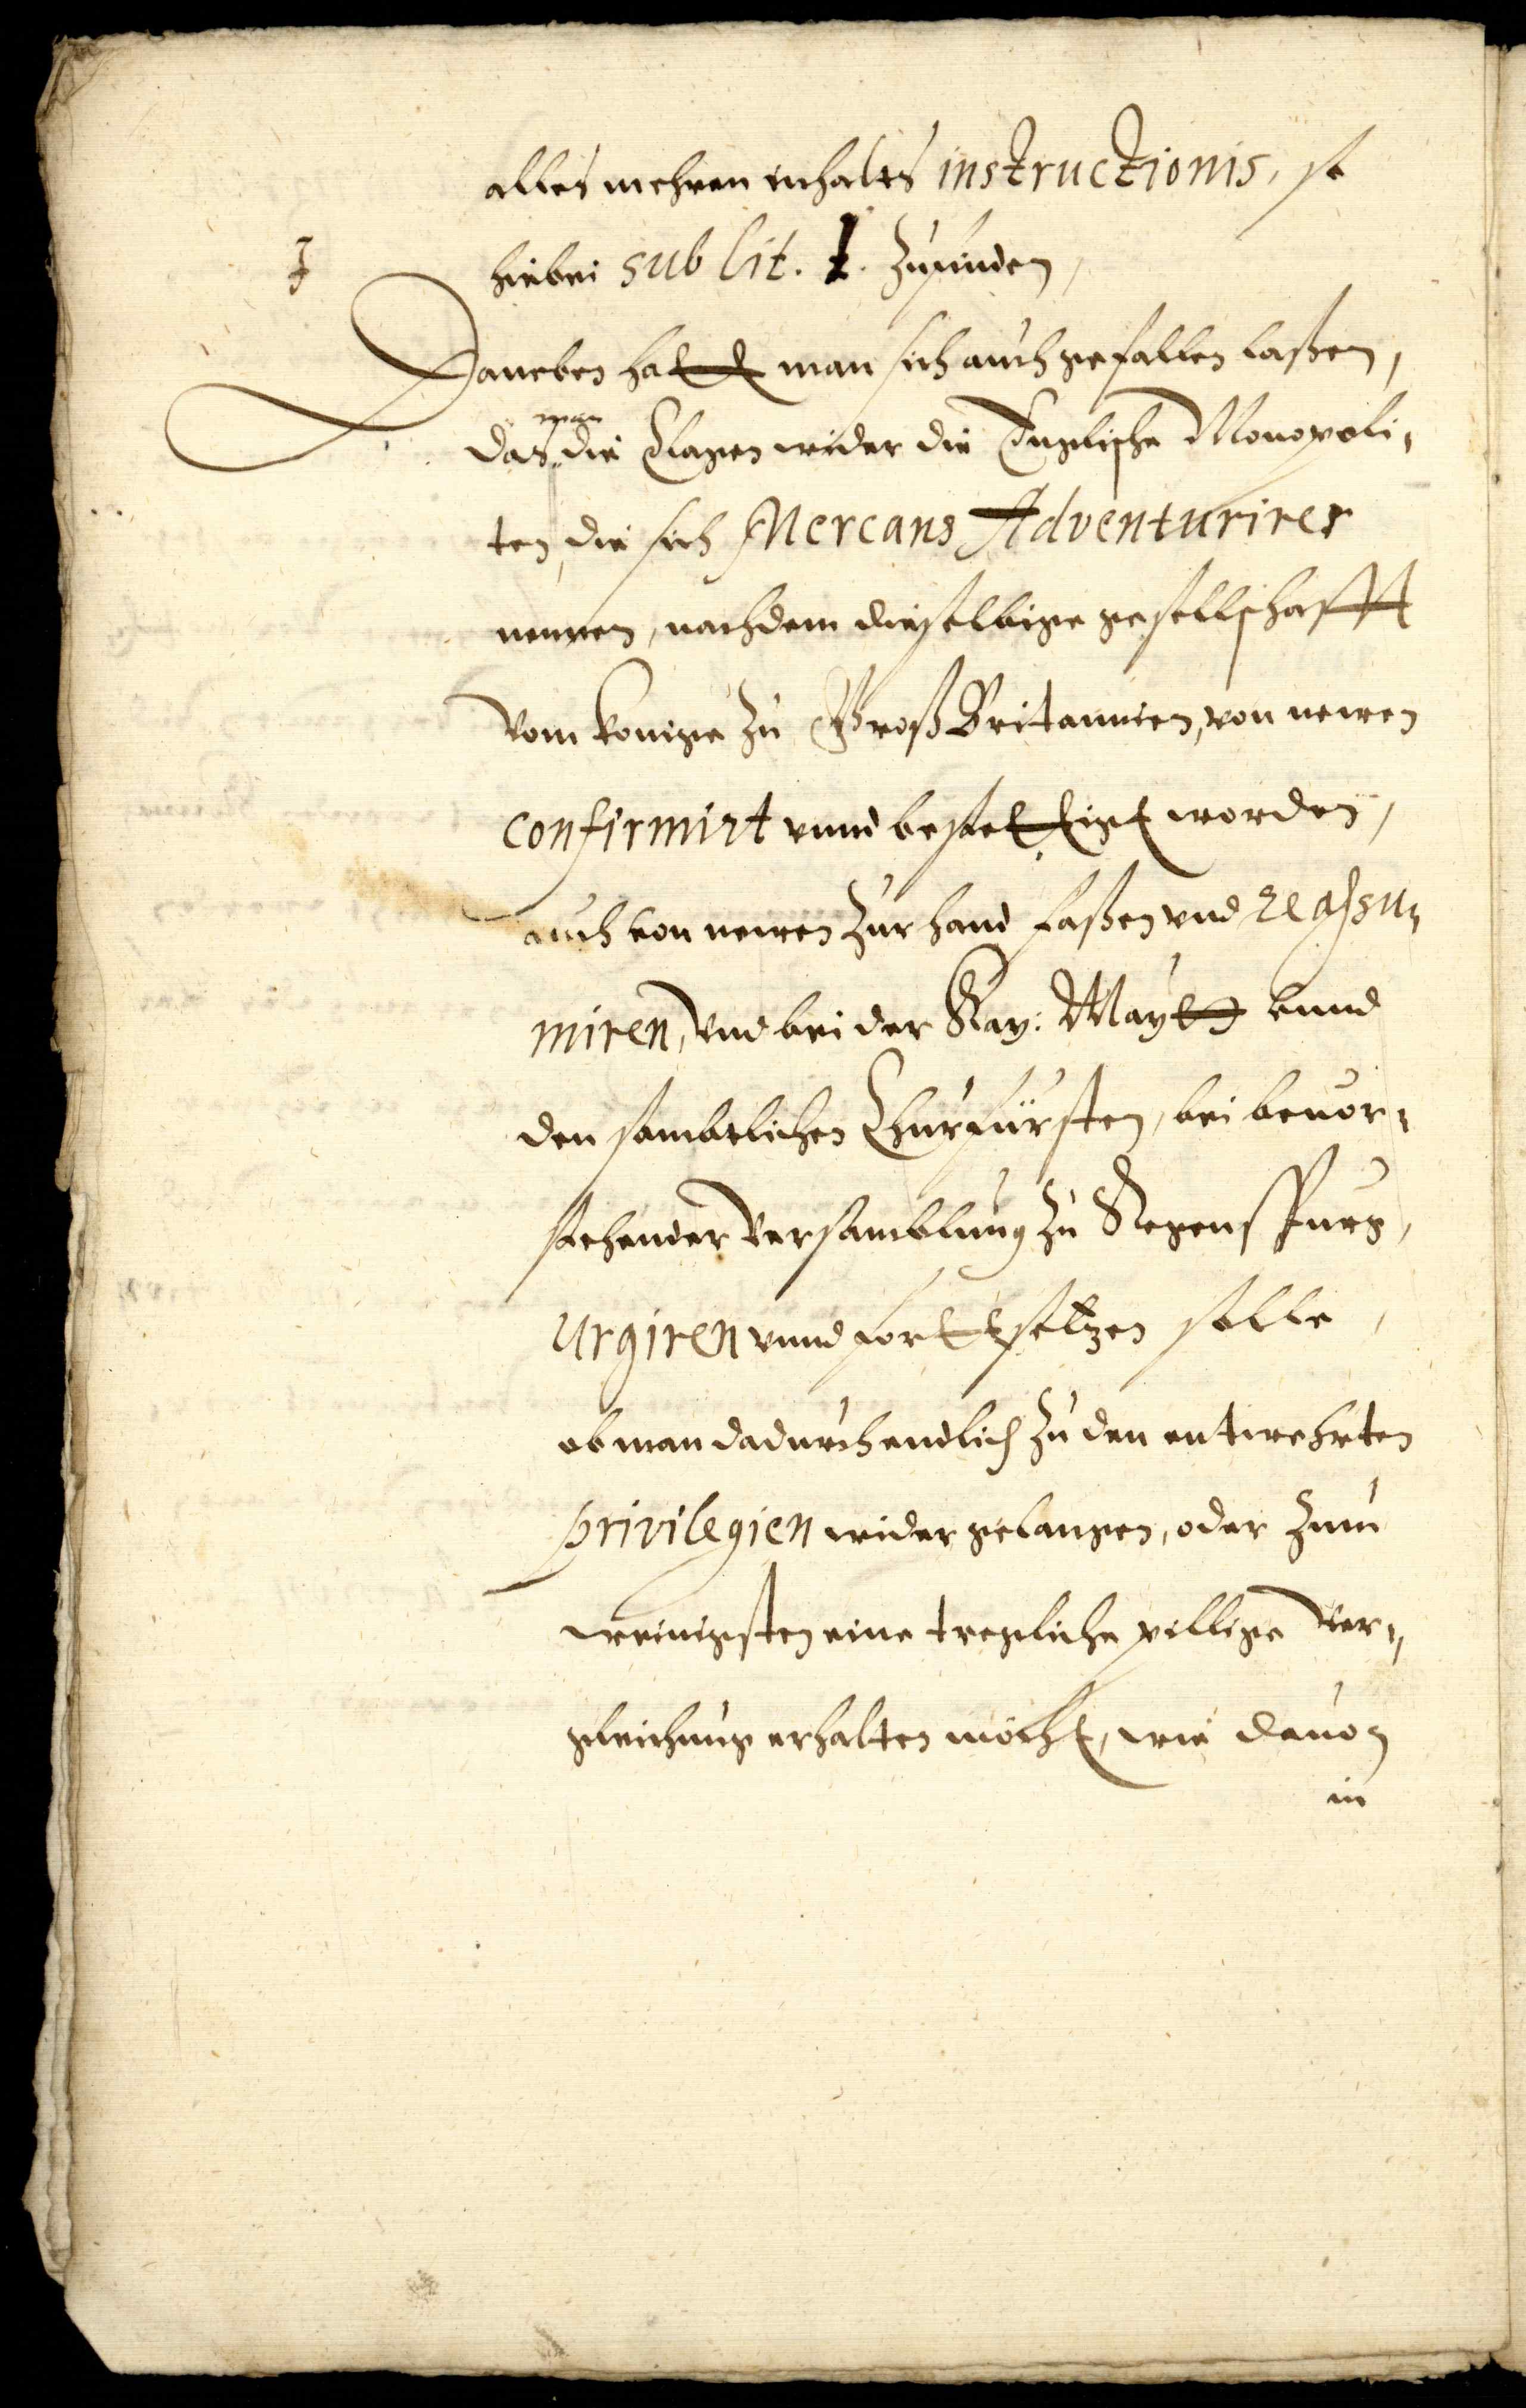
I
alles mehren inhalts instructionis, so
hiebei sub lit. I Zufinden,
Daneben hatt man sich auch gefallen laßen,
man
das * die Clagen wider die Englische Monopoli¬
ten, die sich Mercans Adventurirer
nennen, nachdem dieselbige gesellschaftt
Vom konige Zu GroßBritanien, von newen
confirmirt vnnd bestettigt worden,
auch von newen Zur hand faßen vnd reassu¬
miren, Vnd bei der Kay: Maytt vnnd
den sambtlichen Churfürsten, bei beuor¬
stehender Versamblung Zu Regenspurg,
urgiren vnnd forttsetzen solle,
ob man dadurch endlich Zu den entwehrten
privilegien wider gelangen, oder Zum
weinigsten eine tregliche pillige Ver¬
gleichung erhalten möcht, wie dauon
in
